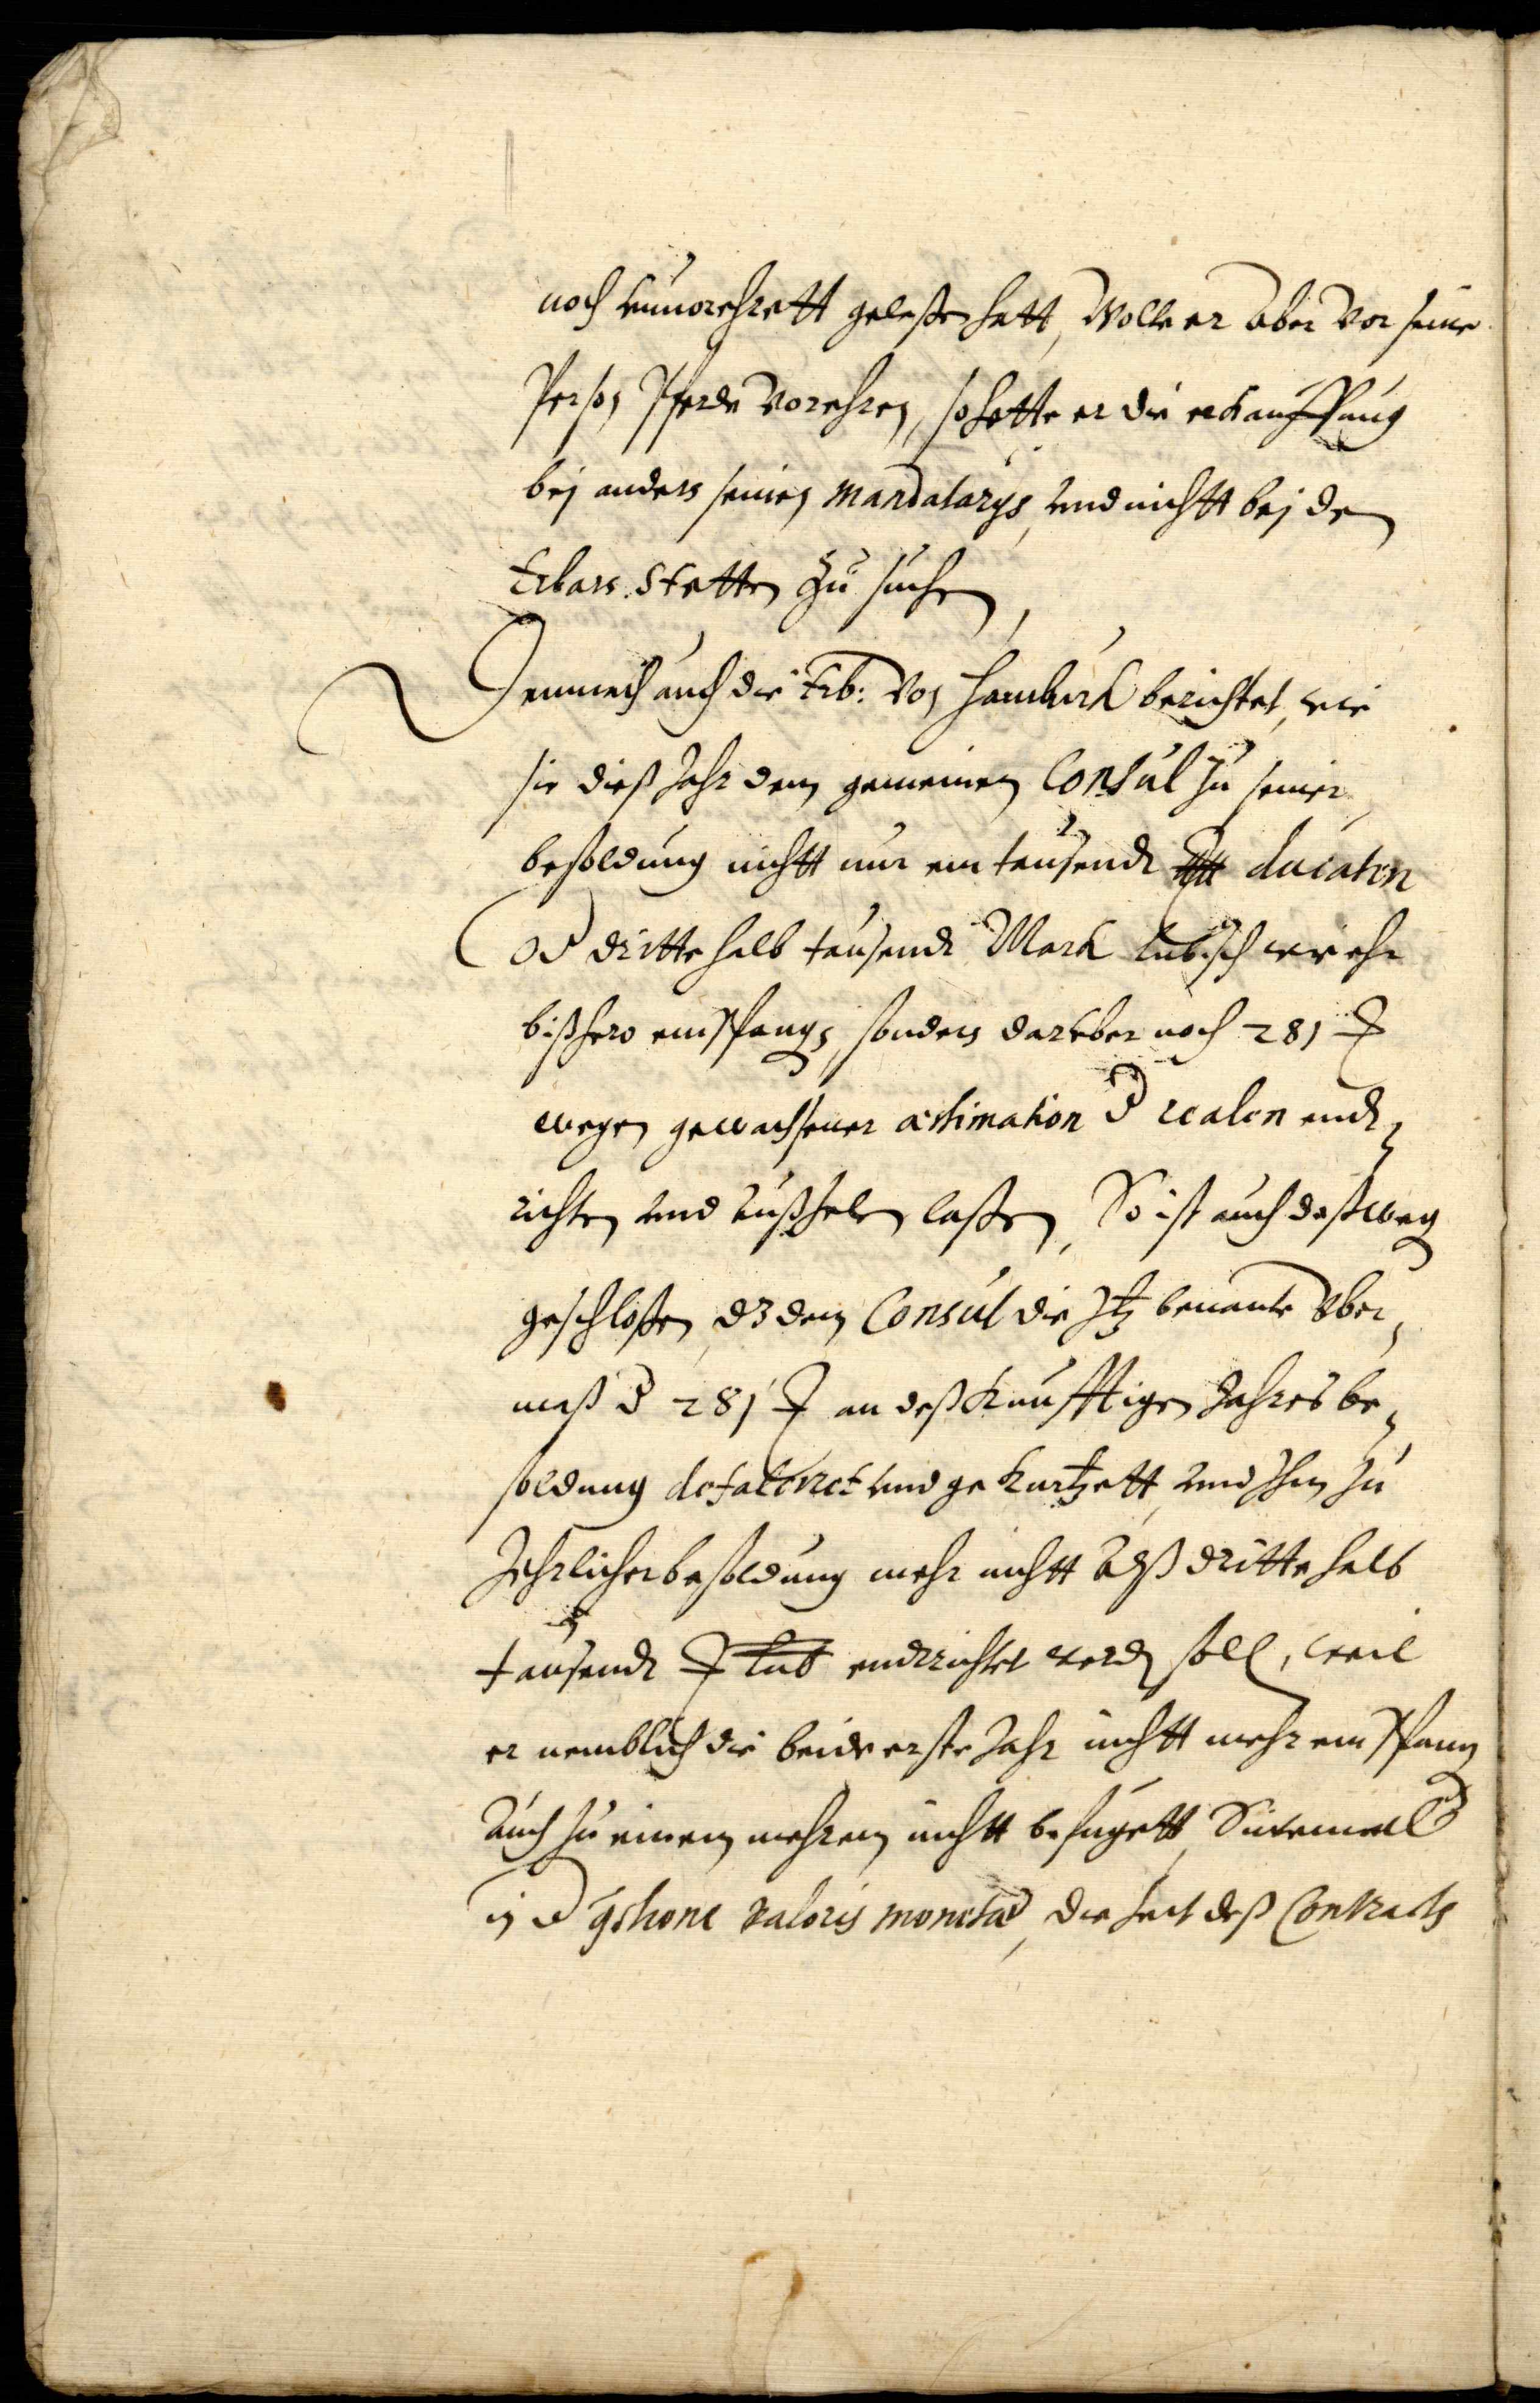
noch vnuorehrett geleßen hatt, Wolle er aber vor seine
Person Pferde vorehren, so hatte er die erkauffung
bej andern seinen mandatarijs, vnd nichtt bej den
Erbarn Stetten zu suchen,
Demnach auch die Erb: Von Hamburk berichtet, wie
sie dieß Jahr dem gemeinen Consul zu seiner
besoldung nichtt nur ein tausendt ₻ ducaten
oder dritte halb tansendt Mark Lubisch verehr
bißhero empfangen, sondern darvber noch 281 ₻
wegen gewachsener aestimation der realen end¬
richten vnd außzelen laßen, So ist auch deßwegen
geschloßen, das dem Consul die Itz benante Vber¬
maß der 281 ₻ an deß kunfftigen Jahres be¬
soldung defaleiret vnd gekurtzett vnd Ihm zu
Jehrlicher besoldung mehr nichtt Alß ditte halb
tausendt ₻ lub endtrichtet werden sollen, weil
er nemblich die beide erste Jahr nichtt mehr empfangen
Auch zu einem mehren nichtt befugett Sintemall
in der quaestione valoris monetae die Zeit deß Contracts
